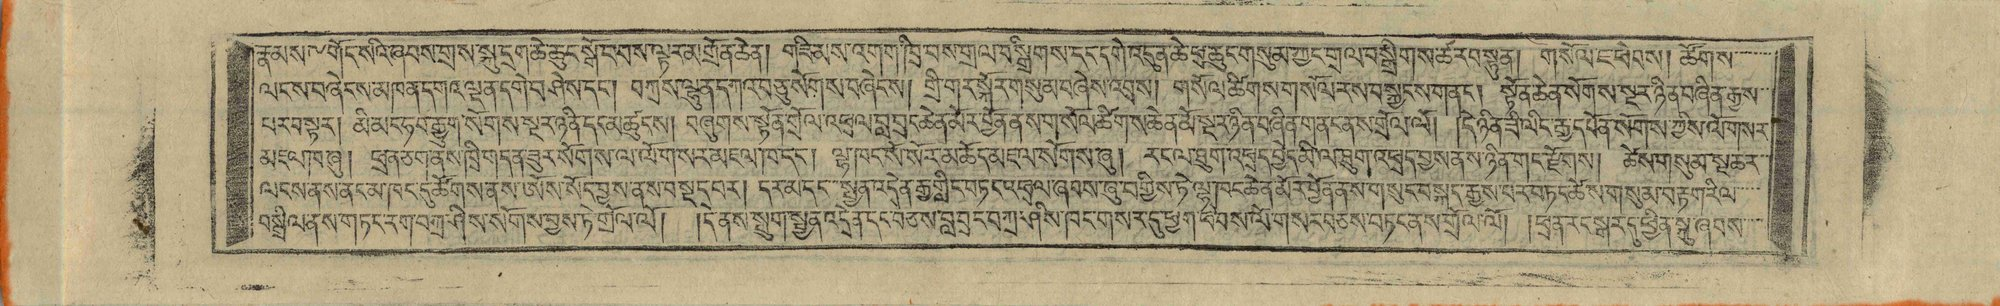རྣམས་༧གོང་སའི་ཞབས་གྲས་སྐུ་དྲག་ཆེ་ཆུང་སྒོ་བབས་ལྟར་མགྲོན་ཆེན། གཟིམས་འགག་ཁྲི་བས་གྲལ་བསྒྲིགས་དང་དགེ་འདུན་ཆེ་ཕྲ་ཆུང་གསུམ་ཀྱང་གྲལ་བསྒྲིགས་ཚར་བསྟུན། གསོལ་ཇ་ཕེབས། ཚོགས་
ལངས་བཞེངས་མཁན་དགའ་ལྡན་དགེ་བཤེས་དང་། བཀྲས་ལྷུན་དཀའ་བཅུ་སོགས་བཞེངས། གྲི་གར་སྐོར་གསུམ་བཞེས་འབྲས། གསོལ་ཚིགས་གསོལ་རས་བསྐྱངས་གནང་། སྟོན་ཆེན་སོགས་སྔར་ཉིན་བཞིན་རྒྱས་
པར་བསྟར། མི་མང་ཧབ་རྒྱུག་སོགས་སྔར་ཉིན་དང་མཚུངས། བཞུགས་སྟོན་གྲོལ་འཕྲལ་བླ་བྲང་ཆེན་མོར་བྱོན་ནས་གསོལ་ཚིགས་ཆེན་མོ་སྔར་ཉིན་བཞིན་གནང་ནས་གྲོལ་ལོ། །དེ་ཉིན་ཟི་ལིང་རྒྱ་དཔོན་སོགས་ཀྱིས་ལོ་གསར་
མཇལ་ཁ་ཞུ། ཕྲན་ཅག་ནས་ཁྲི་གདན་ཟུར་སོགས་ལ་ལོ་གསར་མཇལ་ཁ་དང་། ལྷ་ཁང་སོ་སོར་མཆོད་མཇལ་སོགས་ཞུ། རང་ལ་ཐུག་འཕྲད་བྱེད་མི་ལ་ཐུག་འཕྲད་བྱས་ནས་ཉིན་གང་རྫོགས། ཚེས་གསུམ་སྔ་ཆར་
ལངས་ནས་ནང་མ་ཁང་དུ་ཚོགས་ནས་ཨོས་སོང་བྱས་ནས་བསྡད་པར། དར་མ་དང་སྤྱན་འདྲེན་རྒྱ་གླིང་བཏང་འཕྲལ་ཞབས་ཞུ་བགྱིས་ཏེ་ལྷ་ཁང་ཆེན་མོར་བྱོན་ནས་གསུང་བསྐང་རྒྱས་པར་བཏང་ཚེས་གསུམ་བརྟག་རིལ་
བསྒྲིལ་ནས་གཏང་རག་བཀྲ་ཤིས་སོགས་བྱས་ཏེ་གྲོལ་ལོ། །དེ་ནས་སྤུག་སྤྱན་འདྲེན་དང་བཅས་བླ་བྲང་བཀྲ་ཤིས་ཁང་གསར་དུ་ཕྱག་ཕེབས་ལོ་གསར་བཅས་བཏང་ནས་གྲོལ་ལོ། །ཕྲན་རང་སྒར་དུ་ཕྱིན་སྐུ་ཞབས་